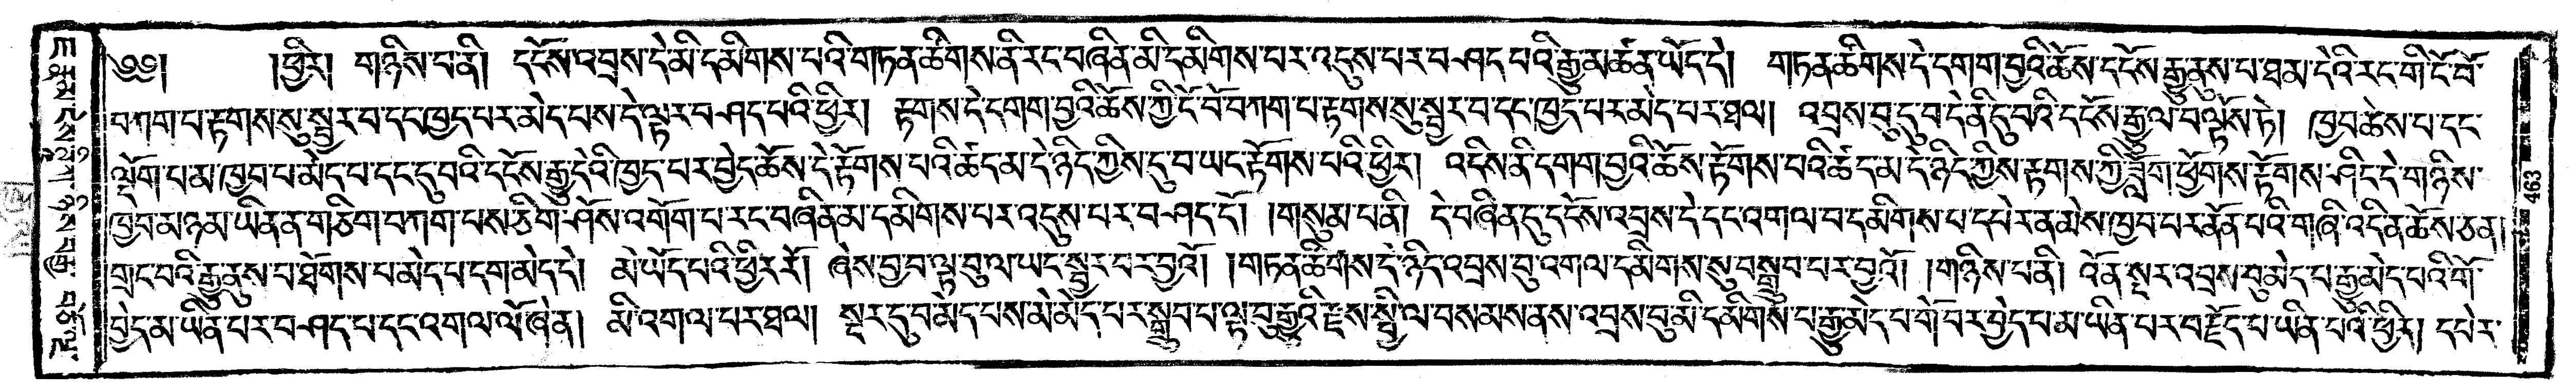༄༅། །ཕྱིར། གཉིས་པ་ནི། དངོས་འབྲས་དེ་མི་དམིགས་པའི་གཏན་ཚིགས་ནི་རང་བཞིན་མི་དམིགས་པར་འདུས་པར་བཤད་པའི་རྒྱུ་མཚན་ཡོད་དེ། གཏན་ཚིགས་དེ་དགག་བྱའི་ཆོས་དངོས་རྒྱུ་ནུས་པ་ཐ་མ་དེའི་རང་གི་ངོ་བོ་
བཀག་པ་རྟགས་སུ་སྦྱར་བ་དང་ཁྱད་པར་མེད་པས་དེ་ལྟར་བཤད་པའི་ཕྱིར། རྟགས་དེ་དགག་བྱའི་ཆོས་ཀྱི་ངོ་བོ་བཀག་པ་རྟགས་སུ་སྦྱར་བ་དང་ཁྱད་པར་མེད་པར་ཐལ། འབྲས་བུ་དུ་བ་དེ་ནི་དུ་བའི་དངོས་རྒྱུ་ལ་བལྟོས་ཏེ། ཁྱབ་ཆེས་པ་དང་
ལྡོག་པ་མ་ཁྱབ་པ་མེད་པ་དང་དུ་བའི་དངོས་རྒྱུ་དེའི་ཁྱད་པར་བྱེད་ཆོས་དེ་རྟོགས་པའི་ཚད་མ་དེ་ཉིད་ཀྱིས་དུ་བ་ཡང་རྟོགས་པའི་ཕྱིར། འདིས་ནི་དགག་བྱའི་ཆོས་རྟོགས་པའི་ཚད་མ་དེ་ཉིད་ཀྱིས་རྟགས་ཀྱི་ཟློག་ཕྱོགས་རྟོགས་ཤིང་དེ་གཉིས་
ཁྱབ་མཉམ་ཡིན་ན་གཅིག་བཀག་པས་ཅིག་ཤོས་འགོག་པ་རང་བཞིན་མ་དམིགས་པར་འདུས་པར་བཤད་དོ། །གསུམ་པ་ནི། དེ་བཞིན་དུ་དངོས་འབྲས་དེ་དང་འགལ་བ་དམིགས་པ་དཔེར་ན་མེས་ཁྱབ་པར་ནོན་པའི་གཞི་འདི་ན་ཆོས་ཅན།
གྲང་བའི་རྒྱུ་ནུས་པ་ཐོགས་པ་མེད་པ་དག་མེད་དེ། མེ་ཡོད་པའི་ཕྱིར་རོ། ཞེས་བྱ་བ་ལྟ་བུ་ལ་ཡང་སྦྱར་བར་བྱའོ། །གཏན་ཚིགས་དེ་ཉིད་འབྲས་བུ་འགལ་དམིགས་སུ་བསྒྲུབ་པར་བྱའོ། །གཉིས་པ་ནི། འོ་ན་སྔར་འབྲས་བུ་མེད་པ་རྒྱུ་མེད་པའི་གོ་
བྱེད་མ་ཡིན་པར་བཤད་པ་དང་འགལ་ལོ་ཞེ་ན། མི་འགལ་པར་ཐལ། སྔར་དུ་བ་མེད་པས་མེ་མེད་པར་སྒྲུབ་པ་ལྟ་བུ་རྒྱུའི་རྫས་སྤྱི་ལ་བསམས་ནས་འབྲས་བུ་མི་དམིགས་པ་རྒྱུ་མེད་པ་གོ་བར་བྱེད་པ་མ་ཡིན་པར་བརྗོད་པ་ཡིན་པའི་ཕྱིར། དཔེར་